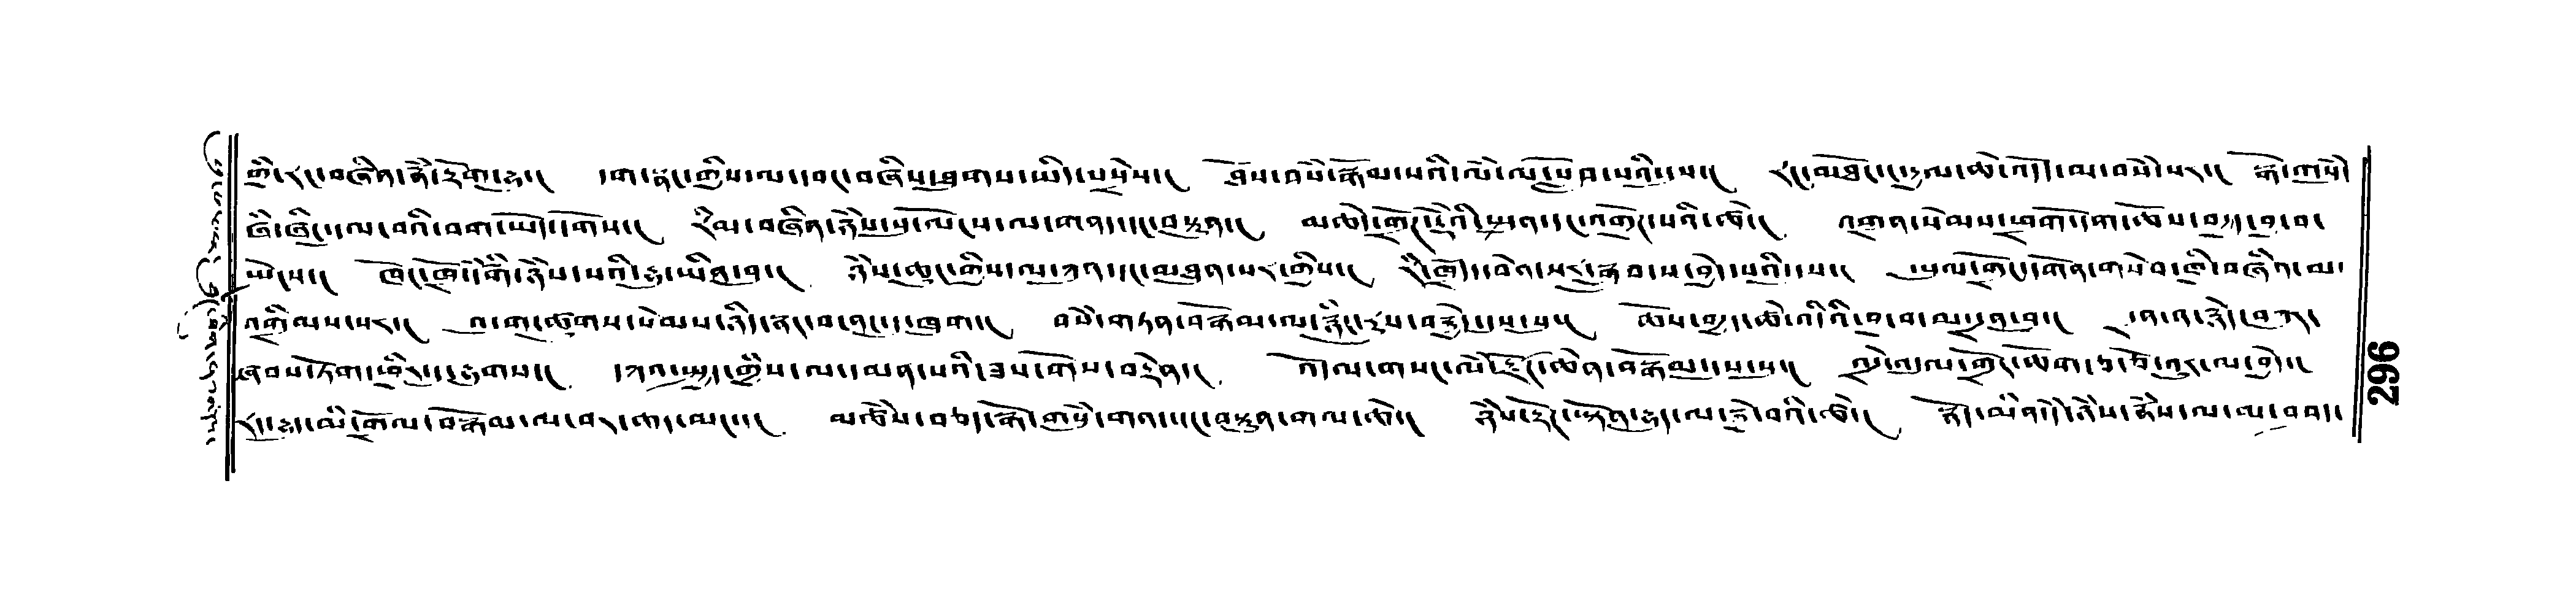གྱི་རང་བཞིན་རྣམ་རྟོག་རྒྱུ། །དག་སྣང་གྱིས་ལ་དབང་བཞིས་ཐུགས་ཡིད་བསྲེས། །ཐོས་བསམ་སྒོམ་པའི་ལམ་ལ་སློབ་པའི་དུས། །རང་མཐོང་ང་རྒྱལ་ཆེ་འདོད་མ་བསམ་པར། །སྒོ་གསུམ་
ཞི་ཞིང་དུལ་བའི་བག་ཡོད་དགོས། །རིམ་བཞིན་ཉམས་སུ་ལོངས་ལ་གནད་དང་བསྟུན། །མཆེད་གྲོགས་རྡོ་རྗེའི་སྤུན་དང་འགྲོགས་པའི་ཚེ། །འགྲན་སེམས་ཕྲག་དོག་ཆོས་བརྒྱད་བྱ་བ་
སྤོངས། ཁོང་ཁྲོ་དམ་ཚིག་ཉམས་པའི་རྒྱུ་ཡིན་བུ། །ཉམས་ཆུང་གྱིས་ལ་ཀུན་དང་མཐུན་པར་གྱིས། །རི་ཁྲོད་དབེན་པར་སྒྲུབ་པ་བྱེད་པའི་དུས། །ཡུལ་གྲོང་དགོན་གསེབ་ཁྱི་བཞིན་མ་
འགྲིམས་པར། །འདུག་ཚུགས་སེམས་ཉིད་སྣང་བ་ནང་དུ་ཁུག།བསམ་གཏན་བསྒོམ་ལ་སྙིང་རུས་བསྐྱེད་དུས་སུ། །ཆོས་བརྒྱད་ཚེ་འདིའི་བྱ་བ་མ་དྲན་བུ། །དྲན་ན་རྙེན་བཀུར་
ཞབས་ཏོག་ཕྱིར་དུ་རྒྱུགས། །དཀའ་སྤྱད་གྱིས་ལ་དམན་པའི་ཟས་གོས་བརྟེན། །འོད་གསལ་གསང་ལམ་རྫོགས་ཆེན་བསྒོམ་དུས་སུ། །འདྲེ་འདུལ་གྲོང་ཆོག་ཅ་ཅོ་འུར་མ་བྱེད། །
རང་རྒྱུད་མི་གྲོལ་བསྒོམ་ལ་བར་ཆད་མང་། །མཚམས་བཅད་སྒོ་གསུམ་གནད་དང་བསྟུན་གལ་ཆེ། །ཉམས་རྟོགས་ཡོན་ཏན་རྒྱུད་ལ་སྐྱེས་བའི་ཚེ། །སྣོད་མིན་དམ་ཉམས་རྣམས་ལ་མ་བཤད་